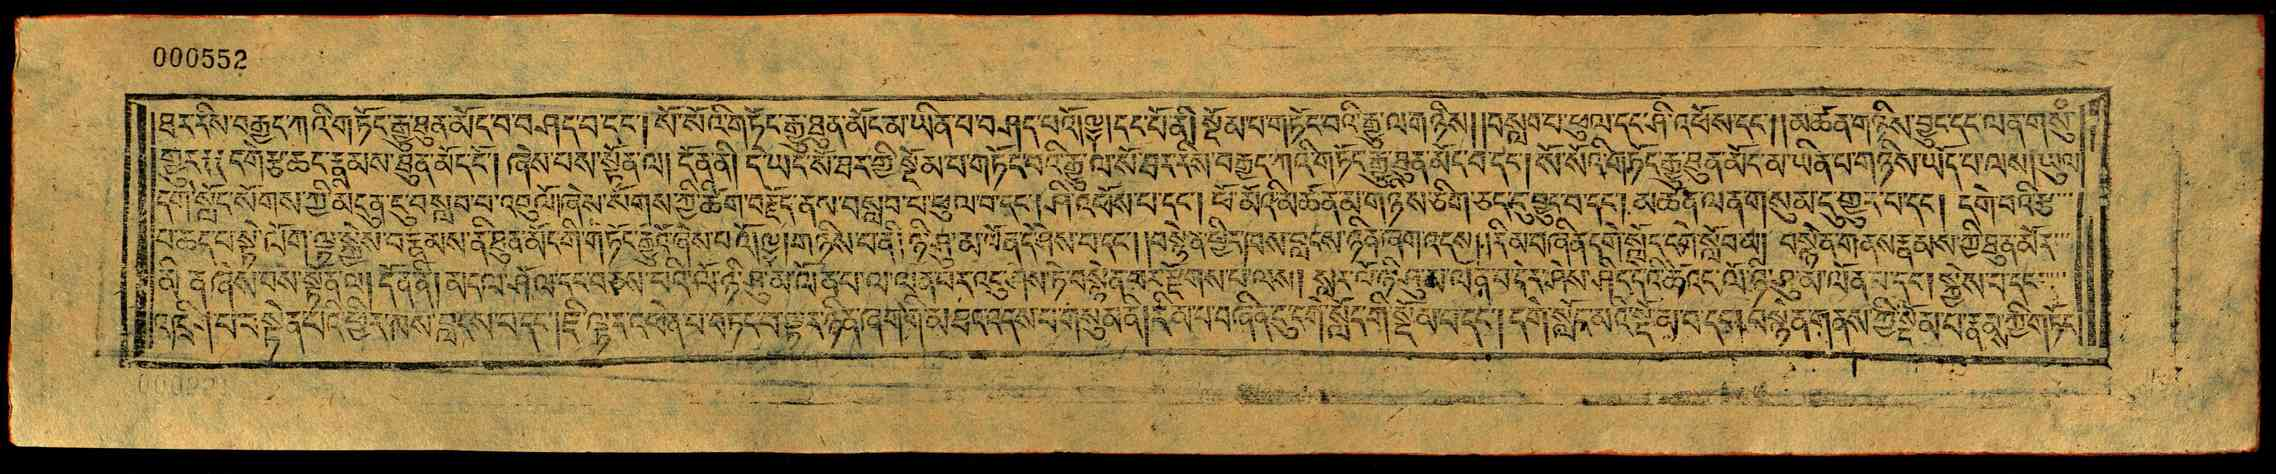ཐར་རིས་བརྒྱད་ཀའི་གཏོང་རྒྱུ་ཐུན་མོང་བ་བཤད་པ་དང་། སོ་སོའི་གཏོང་རྒྱུ་ཐུན་མོང་མ་ཡིན་པ་བཤད་པའོ། ༈ །དང་པོ་ནི། སྡོམ་པ་གཏོང་བའི་རྒྱུ་ལ་གཉིས། །བསླབ་པ་ཕུལ་དང་ཤི་འཕོས་དང་། །མཚན་གཉིས་བྱུང་དང་ལན་གསུམ་
གྱུར། །དགེ་རྩ་ཆད་རྣམས་ཐུན་མོང་ངོ། ཞེས་པས་སྟོན་ལ། དོན་ནི། དེ་ཡང་སོ་ཐར་གྱི་སྡོམ་པ་གཏོང་བའི་རྒྱུ་ལ་སོ་ཐར་རིས་བརྒྱད་ཀའི་གཏོང་རྒྱུ་ཐུན་མོང་བ་དང་། སོ་སོའི་གཏོང་རྒྱུ་ཐུན་མོང་མ་ཡིན་པ་གཉིས་ཡོད་པ་ལས། ཡུལ་
དགེ་སློང་སོགས་ཀྱི་མདུན་དུ་བསླབ་པ་འབུལ་ལོ། ཞེས་སོགས་ཀྱི་ཆོ་ག་བརྗོད་ནས་བསླབ་པ་ཕུལ་བ་དང་། ཤི་འཕོས་པ་དང་། ཕོ་མོའི་མཚན་མ་གཉིས་ཅིག་ཅར་དུ་བྱུང་བ་དང་། མཚན་ལན་གསུམ་དུ་གྱུར་པ་དང་། དགེ་བའི་རྩ་
བ་ཆད་པ་སྟེ་ལོག་ལྟ་སྐྱེས་པ་རྣམས་ནི་ཐུན་མོང་གི་གཏོང་རྒྱུའོ་ཞེས་པའོ། ༈ །གཉིས་པ་ནི། ཉི་ཤུ་མ་ལོན་དེར་ཤེས་དང་། །བསྟེན་ཕྱིར་ཁས་བླངས་ཉིན་ཞག་འདས། །རིམ་བཞིན་དགེ་སློང་དགེ་སློབ་མ། །བསྙེན་གནས་རྣམས་ཀྱི་ཐུན་མོང་
མིན། ཞེས་པས་སྟོན་ལ། དོན་ནི། མངལ་ཤོལ་དང་བཅས་པའི་ལོ་ཉི་ཤུ་མ་ལོན་པ་ལ་ལོན་པར་འདུ་ཤེས་ཏེ་བསྙེན་པར་རྫོགས་པ་ལས། སླར་ལོ་ཉི་ཤུ་མ་ལོན་པ་དེར་ཤེས་ཤིང་དེའི་ཚེའང་ལོ་ཉི་ཤུ་མ་ལོན་པ་དང་། སྐྱེས་པ་དང་
འཁྲིག་པ་བསྟེན་པའི་ཕྱིར་ཁས་བླངས་པ་དང་། ཇི་ལྟར་འཕེན་པ་བཏང་བ་ལྟར་ཉིན་ཞག་གི་མཐའ་འདས་པ་གསུམ་ནི། རིམ་པ་བཞིན་དུ་དགེ་སློང་གི་སྡོམ་པ་དང་། དགེ་སློབ་མའི་སྡོམ་པ་དང་། བསྙེན་གནས་ཀྱི་སྡོམ་པ་རྣམ་ཀྱི་གཏོང་